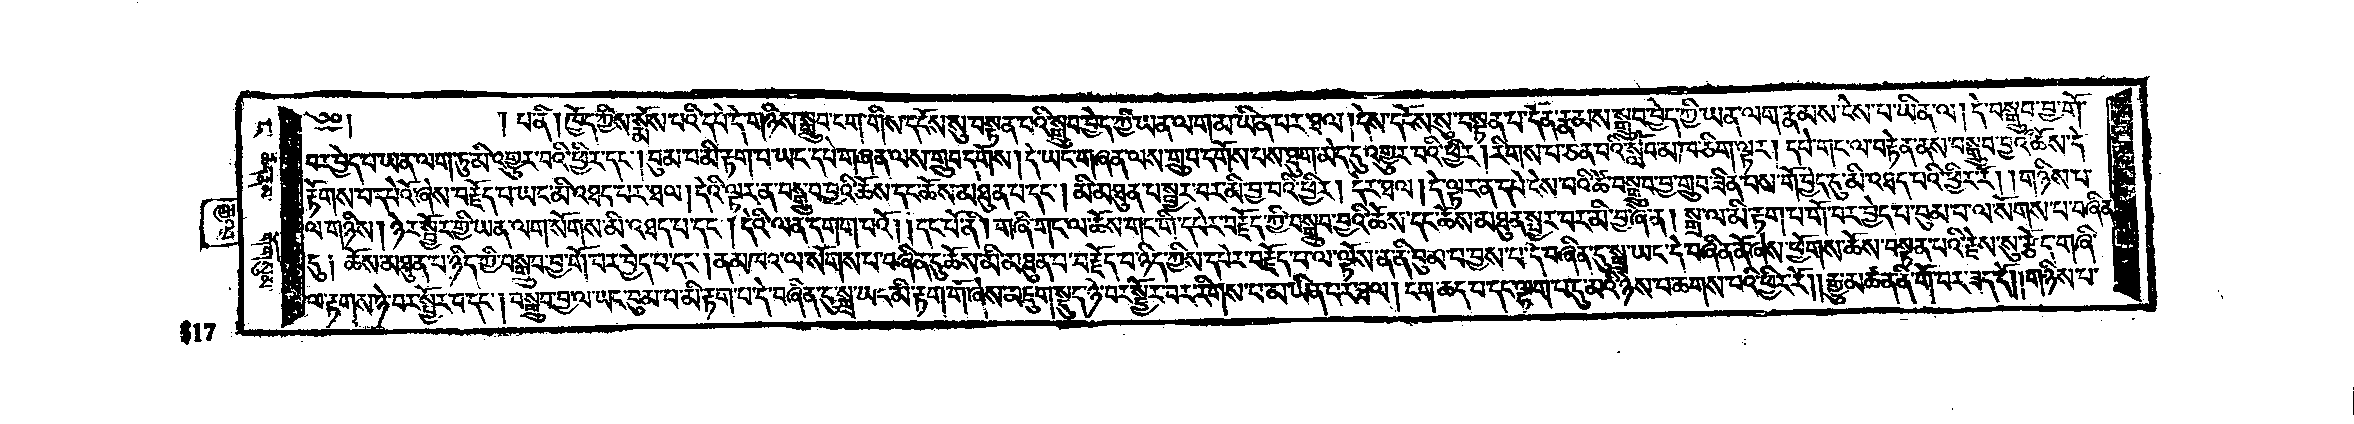༄༅། །པ་ནི། ཁྱོད་ཀྱིས་སྨོས་པའི་དཔེ་དེ་གཉིས་སྒྲུབ་ངག་གིས་དངོས་སུ་བསྟན་པའི་སྒྲུབ་བྱེད་ཀྱི་ཡན་ལག་མ་ཡིན་པར་ཐལ། དེས་དངོས་སུ་བསྟན་པ་དོན་རྣམས་སྒྲུབ་བྱེད་ཀྱི་ཡན་ལག་རྣམས་ངེས་པ་ཡིན་ལ། དེ་བསྒྲུབ་བྱ་གོ་
བར་བྱེད་པ་ཡན་ལག་ཏུ་མི་འགྱུར་བའི་ཕྱིར་དང་། བུམ་པ་མི་རྟག་པ་ཡང་དཔེ་གཞན་ལས་གྲུབ་དགོས། དེ་ཡང་གཞན་ལས་གྲུབ་དགོས་པས་ཐུག་མེད་དུ་འགྱུར་བའི་ཕྱིར། རིགས་པ་ཅན་པའི་སློབ་མ་ཁ་ཅིག་ལྟར། དཔེ་གང་ལ་བརྟེན་ནས་བསྒྲུབ་བྱའི་ཆོས་དེ་
རྟོགས་པ་དཔེའོ་ཞེས་བརྗོད་པ་ཡང་མི་འཐད་པར་ཐལ། དེའི་ལྟར་ན་བསྒྲུབ་བྱའི་ཆོས་དང་ཆོས་མཐུན་པ་དང་། མི་མཐུན་པ་སྦྱར་བར་མི་བྱ་བའི་ཕྱིར། དེར་ཐལ། དེ་ལྟར་ན་དཔེ་ངེས་པའི་ཚེ་བསྒྲུབ་བྱ་གྲུབ་ཟིན་པས་གོ་བྱེད་དུ་མི་འཐད་པའི་ཕྱིར་རོ། །གཉིས་པ་
ལ་གཉིས། ཉེར་སྦྱོར་གྱི་ཡན་ལག་སོགས་མི་འཐད་པ་དང་། དེའི་ལན་དགག་པའོ། །དང་པོ་ནི། གཞི་གང་ལ་ཆོས་གང་གི་དཔེར་བརྗོད་ཀྱི་བསྒྲུབ་བྱའི་ཆོས་དང་ཆོས་མཐུན་སྦྱར་བར་མི་བྱ་ཞེ་ན། སྒྲ་ལ་མི་རྟག་པ་གོ་བར་བྱེད་པ་བུམ་པ་ལ་སོགས་པ་བཞིན་
དུ༑ ཆོས་མཐུན་པ་ཉིད་ཀྱིས་བསྒྲུབ་བྱ་གོ་བར་བྱེད་པ་དང་། ནམ་མཁའ་ལ་སོགས་པ་བཞིན་དུ་ཆོས་མི་མཐུན་པ་བརྗོད་པ་ཉིད་ཀྱིས་དཔེར་བརྗོད་པ་ལ་ལྟོས་ན་ནི་བུམ་པ་བྱས་པ་དེ་བཞིན་དུ་སྒྲ་ཡང་དེ་བཞིན་ནོ་ཞེས་ཕྱོགས་ཆོས་བསྟན་པའི་རྗེས་སུ་རྩོད་བཞི་
ལ་རྟགས་ཉེ་བར་སྦྱོར་བ་དང་། བསྒྲུབ་བྱ་ལ་ཡང་བུམ་པ་མི་རྟག་པ་དེ་བཞིན་དུ་སྒྲ་ཡང་མི་རྟག་གོ་ཞེས་མཇུག་སྡུད་ཉེ་བར་སྦྱོར་བར་རིགས་པ་མ་ཡིན་པར་ཐལ། ངག་ཆད་པ་དང་ལྷག་པ་དུ་མའི་ཉེས་པ་ཆགས་པའི་ཕྱིར་རོ། །རྒྱུ་མཚན་ནི་གོ་བར་ཟད་དོ། །གཉིས་པ་